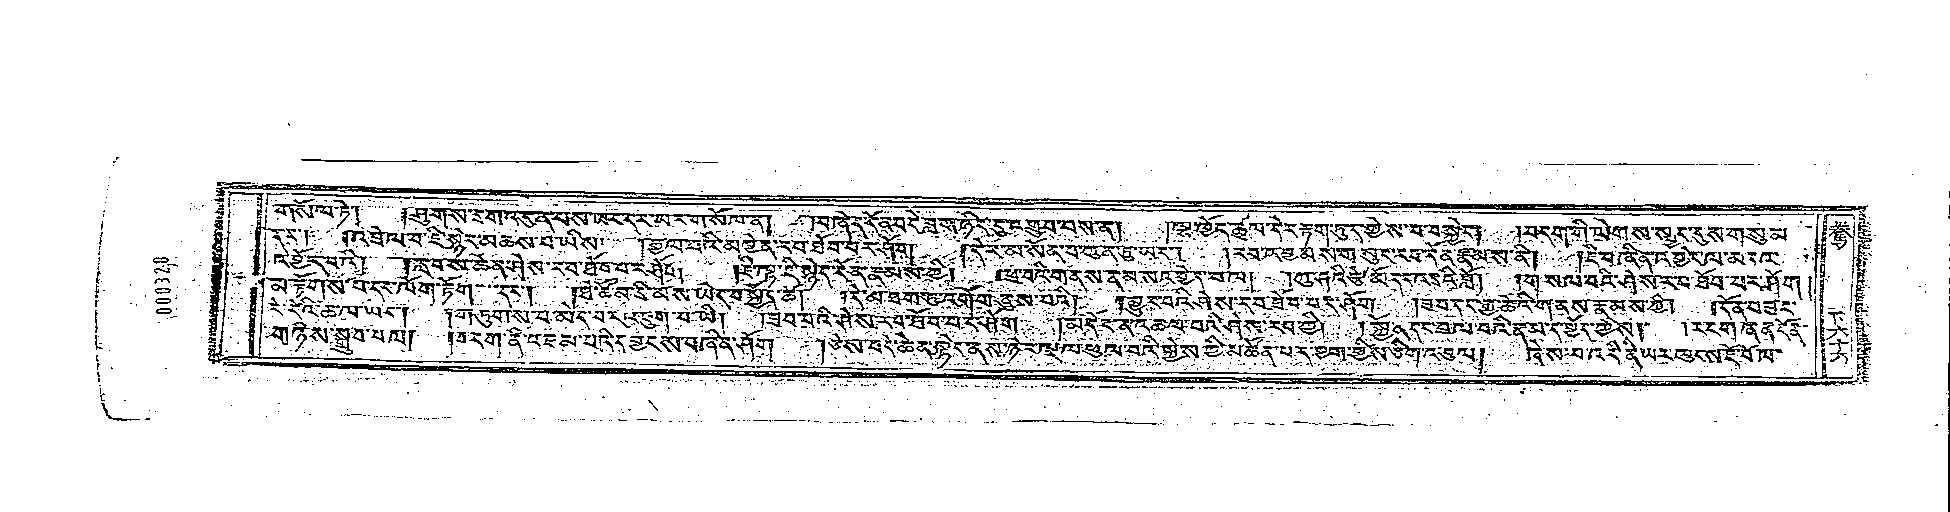གསོལ་ཏེ། །ཤུགས་དྲག་འདུན་པས་ཡང་དང་ཡང་གསོལ་ན། །བཞེད་དོན་བདེ་བླག་ཉིད་དུ་འགྲུབ་པས་ན། །ལྷ་ཁྱོད་ཚུལ་དེར་རྟག་ཏུ་དགྱེས་བ་བསྐྱེད། །བདག་གི་ལེགས་སྤྱད་དུས་གསུམ་
དང་། །འབྲེལ་བ་ཇི་སྙེད་མཆིས་པ་ཡིས། །རྒྱལ་བའི་མཁྱེན་རབ་ཐོབ་པར་ཤོག །དེར་མ་སོན་བ་ཀུན་ཏུ་ཡང་། །རབ་འབྱམས་གསུང་རབ་དོན་རྣམས་ནི། །ཇི་བཞིན་འབྱེད་ལ་མདའ་
འབྱོར་བའི། །རླབས་ཆེན་ཤེས་རབ་ཐོབ་བར་ཤོག །ཇི་ལྟ་ཇི་སྙེད་དོན་རྣམས་ཀྱི། །ཕྲ་བའི་གནས་རྣམས་འབྱེད་བ་ལ། །ཀུ་ཤའི་རྩེ་མོ་དང་འདྲའི་བློ། །གསལ་བའི་ཤེས་རབ་ཐོབ་པར་ཤོག།
མ་རྟོགས་པ་དང་ལོག་རྟོག་དང་། །ཐེ་ཚོམ་དྲི་མས་ཡིད་བསྐྱོད་ཚེ། །དེ་མ་ཐག་ཏུ་འགོག་ནུས་པའི། །མྱུར་བའི་ཤེས་རབ་ཐོབ་པར་ཤོག །ཟབ་དང་རྒྱ་ཆེའི་གནས་རྣམས་ཀྱི། །དོན་བཟང་
རེ་རེའི་ཆ་ལ་ཡང་། །གཏུགས་པ་མེད་པར་འཇུག་པ་ཡི། །ཟབ་པའི་ཤེས་རབ་ཐོབ་བར་ཤོག །མདོར་ན་འཆལ་བའི་ཤེས་རབ་ཀྱི། །སྐྱོན་དང་བྲལ་བའི་རྣམ་དཔྱོད་ཀྱིས། །རང་གཞན་དོན་
གཉིས་སྒྲུབ་པ་ལ། །བདག་ནི་འཇམ་པའི་དབྱངས་བཞིན་ཤོག །ཅེས་བདེ་ཆེན་སྟེང་ནས་ཉེར་ལྔ་ལ་ཕུལ་བའི་སྐྱེས་ཀྱི་མཚོན་པར་ཕྱག་གྱིས་ཅིག་འབུལ། ཞེས་པ་འདི་ནི་ཡར་ལུངས་ཇོ་བོ་ལ་